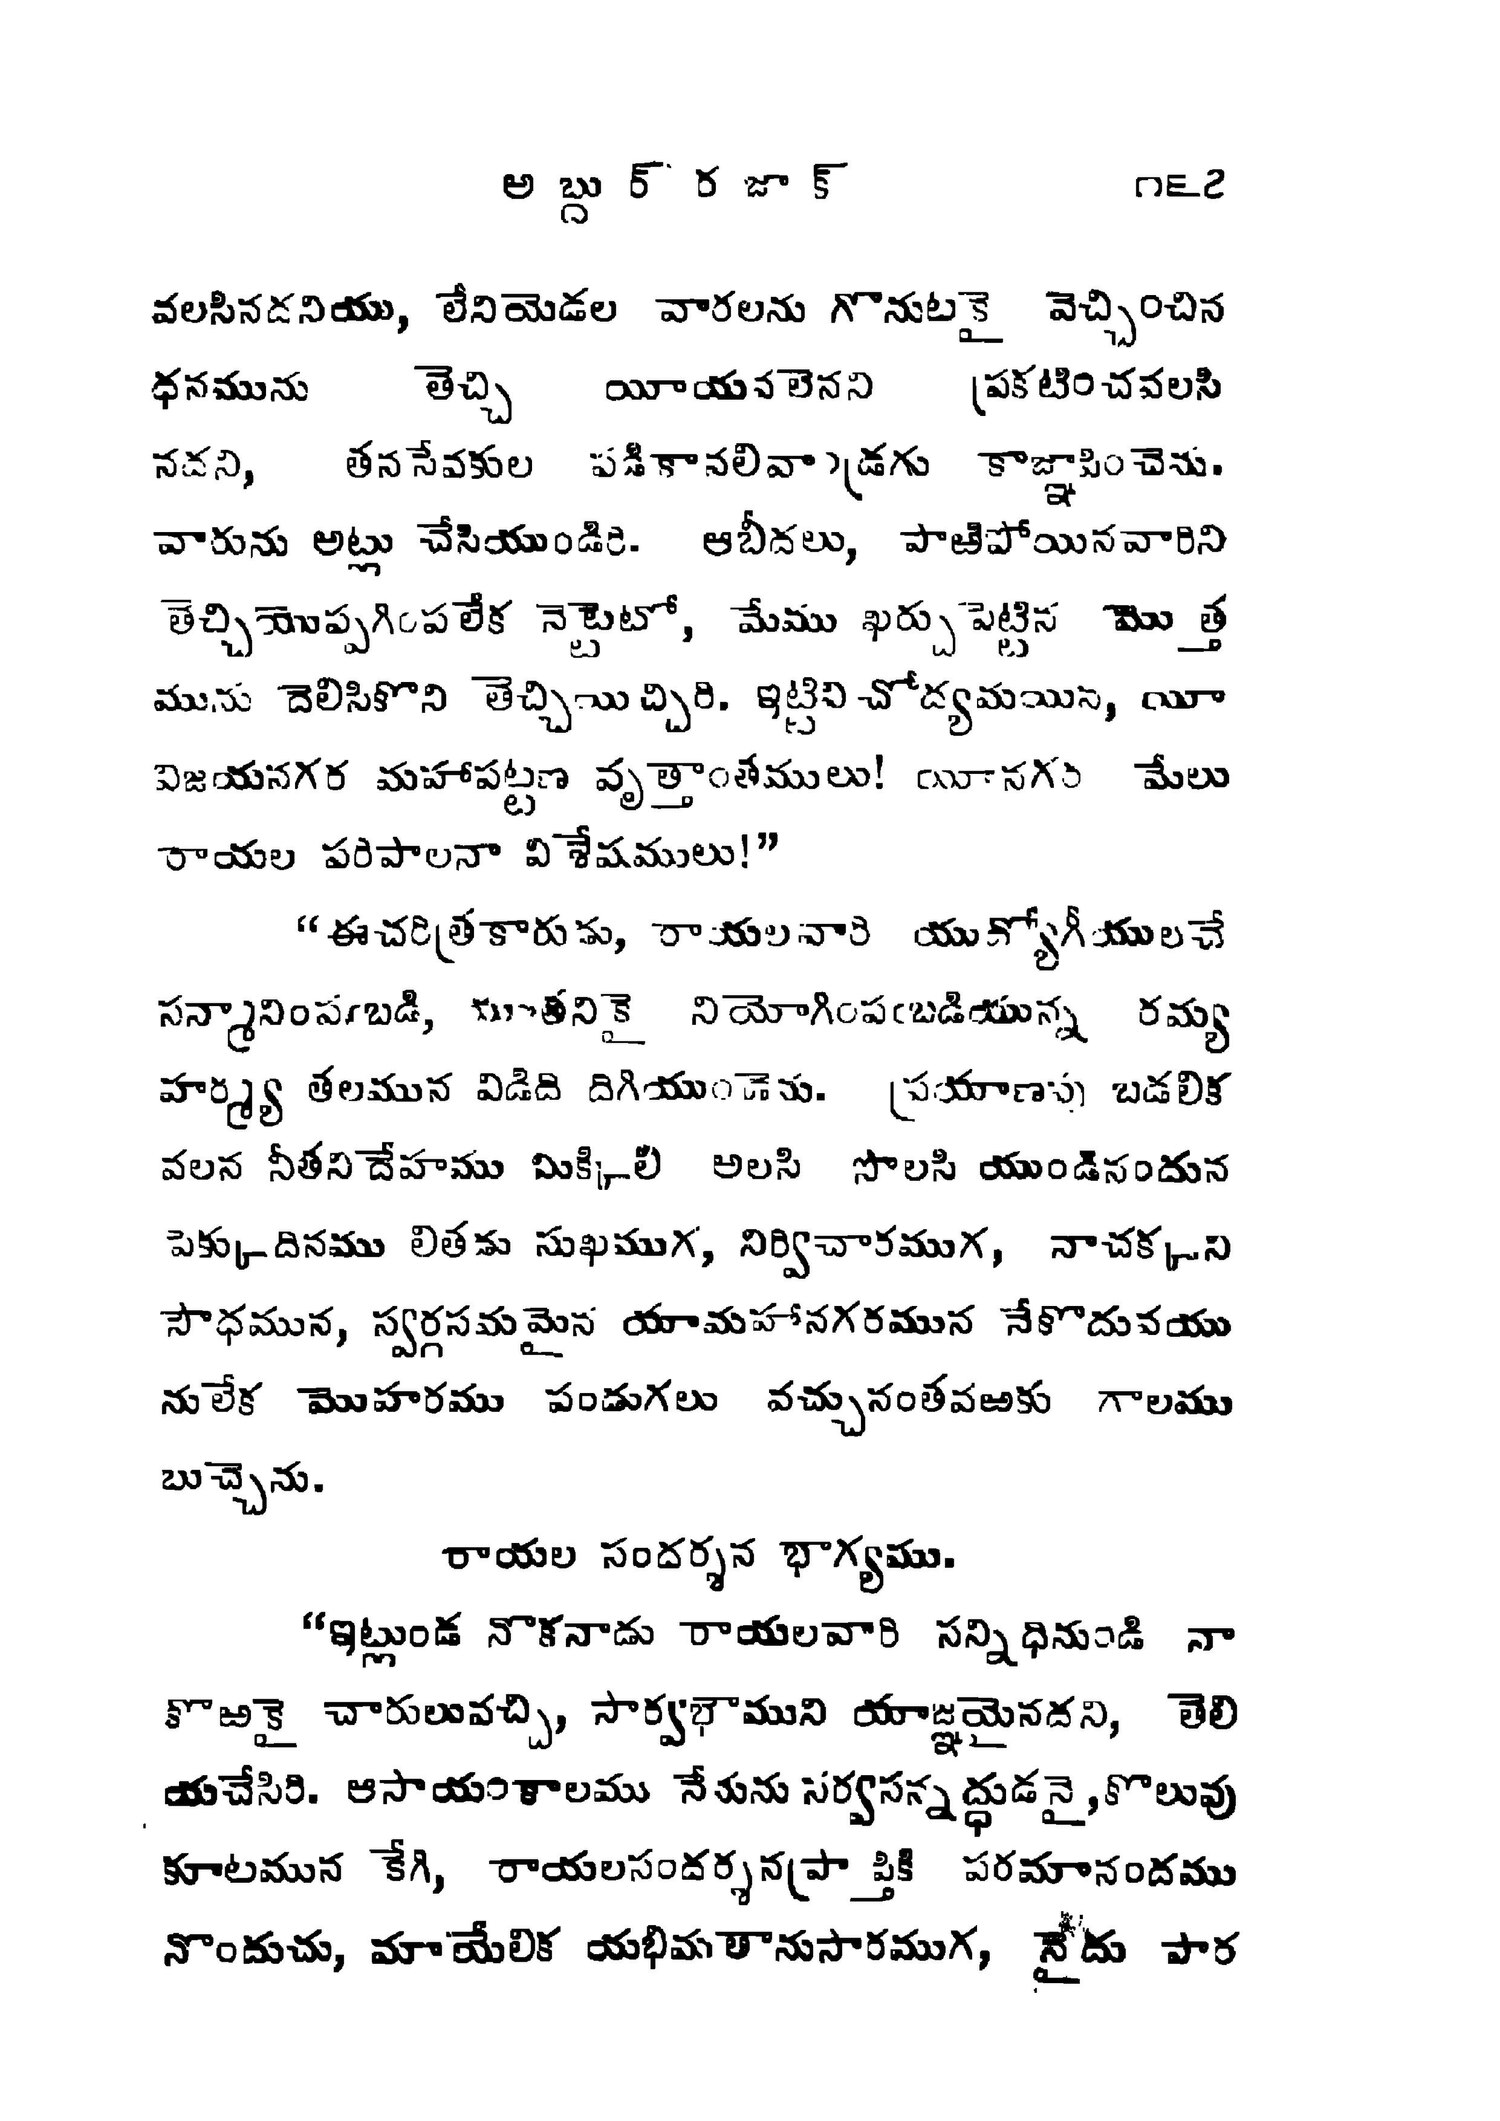వలసినదనియు, లేనియెడల వారలను గొనుటకై వెచ్చించిన ధనమును తెచ్చి యీయవలెనని ప్రకటించవలసినదని, తనసేవకుల పడికావలివాండ్రగు కాజ్ఞాపించెను. వారును అట్లు చేసియుండిరి. ఆబీదలు, పాఱిపోయిన వారిని తెచ్చియొప్పగింపలేక నెట్టెటో, మేము ఖర్చు పెట్టిన మొత్తమును దెలిసికొని తెచ్చియిచ్చిరి. ఇట్టివి చోద్యమయిన, యీ విజయనగర మహాపట్టణ వృత్తాంతములు! యీనగర మేలు రాయల పరిపాలనా విశేషములు!"

"ఈచరిత్రకారుడు, రాయలవారి యుద్యోగీయులచే సన్మానింపబడి, యాతనికై నియోగింప బడియున్న రమ్య హర్మ్య తలమున విడిది దిగియుండెను. ప్రయాణపు బడలిక వలన నీతని దేహము మిక్కిలి అలసి సొలసి యుండి నందున పెక్కుదినము లితడు సుఖముగ, నిర్విచారముగ, నాచక్కని సౌధమున, స్వర్గసమమైన యామహానగరమున నేకొదువయును లేక మొహరము పండుగలు వచ్చునంత వఱకు గాలము బుచ్చెను.

"ఇట్లుండ నొకనాడు రాయలవారి సన్నిధినుండి నా కొఱకై చారులువచ్చి, సార్వభౌముని యాజ్ఞయైనదని, తెలియచేసిరి. ఆసాయంకాలము నేనును సర్వసన్నద్ధుడనై, కొలువు కూటమున కేగి, రాయల సందర్శనప్రాప్తికి పరమానందము నొందుచు, మాయేలిక యభిమతానుసారముగ, నైదు పార